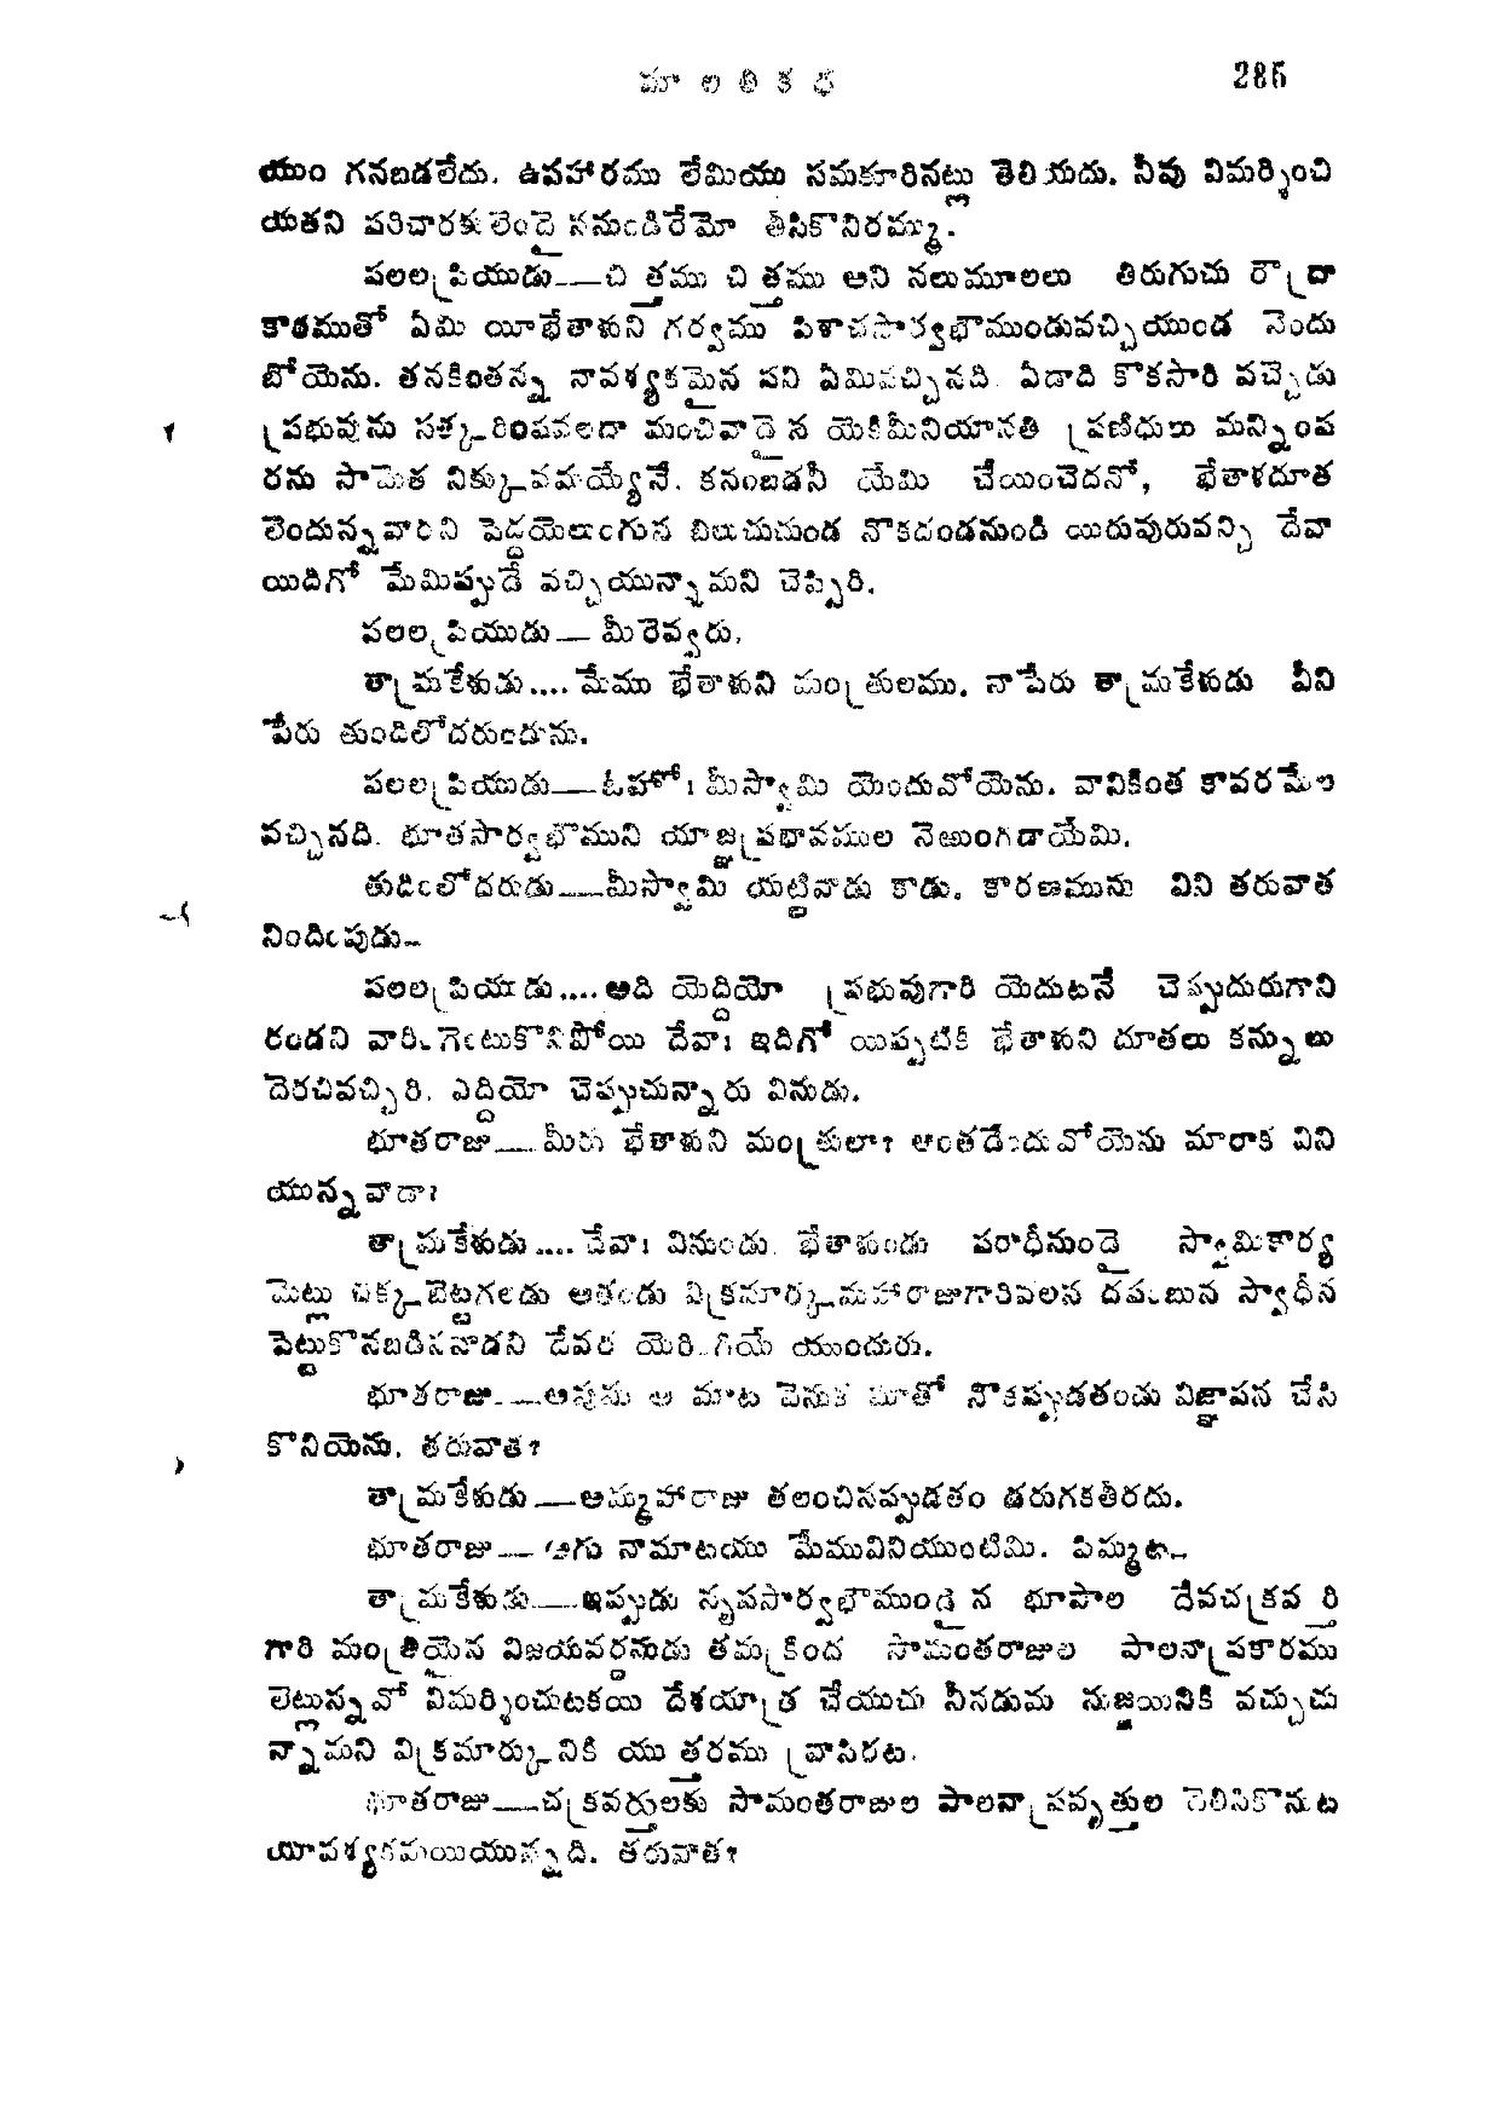యుం గనబడలేదు. ఉపహారము లేమియు సమకూరినట్లు తెలియదు. నీవు విమర్శించి యతని పరిచారకులెందై ననుండిరేమో తీసికొనిరమ్ము.

పలల ప్రియుడు--చిత్తము చిత్తము అని నలుమూలలు తిరుగుచు రౌద్రాకారముతో ఏమి యీభేతాళుని గర్వము పిశాచసార్వభౌముండువచ్చియుండ నెందు బోయెను. తనకింతన్న నావశ్యకమైన పని ఏమివచ్చినది. ఏడాది కొకసారి వచ్చెడు ప్రభువును సత్కరింపవలదా మంచివాడైన యెకిమీనియానతి ప్రణిధులు మన్నింపరను సామెత నిక్కువవయ్యేనే. కనంబడనీ యేమి చేయించెదనో, భేతాళదూత
లెందున్నవారిని పెద్దయెలుంగున బిలుచుచుండ నొకదండనుండి యిరువురువన్చి దేవా యిదిగో మేమిప్పుడే వచ్చి యున్నామని చెప్పిరి.

పలల ప్రియుడు – మీ రెవ్వరు.

తామ్రకేశుడు - మేము భేతాళుని మంత్రులము. నా పేరు తామ్రకేశుడు వీని పేరు తుందిలోదరుండును.

పలలప్రియుడు - ఓహో! మీస్వామి యెందువోయెను. వానికింత కావరమేల వచ్చినది. భూతసార్వభౌముని యాజ్ఞప్రభావముల నెఱుంగడాయేమి.

తుదింలోదరుడు - మీస్వామి యట్టివాడు కాడు. కారణమును విని తరువాత నిందింపుడు.

పలల ప్రియుడు - అది యెద్దియో ప్రభువుగారి యెదుటనే చెప్పుదురుగాని రండని వారింగెంటుకొనిపోయి దేవా! ఇదిగో యిప్పటికి భేతాళుని దూతలు కన్నులు దెరచివచ్చిరి. ఎద్దియో చెప్పుచున్నారు వినుడు.

భూతరాజు - మీరు భేతాళుని మంత్రులా? ఆంతడెందువోయెను మారాక విని యున్నవాడా?

తామ్రకేశుడు - దేవా! వినుండు. భేతాళుండు పరాధీనుండై స్వామికార్య మెట్లు చక్కబెట్టగలడు అతండు విక్రమార్కమహారాజుగారివలన దపంబున స్వాధీనపెట్టుకొనబడినవాడని దేవర యెరింగియే యుందురు.

భూతరాజు - అవును ఆ మాట వెనుక మాతో నొకప్పు డతండు విజ్ఞాపన చేసికొనియెను. తరువాత?

తామ్రకేశుడు — అమ్మహారాజు తలంచినప్పు డతం డరుగకతీరదు.

భూతరాజు - అగు నామాటయు మేమువినియుంటిమి. పిమ్మట.

తామ్రకేశుడు - ఇప్పుడు నృపసార్వభౌముండైన భూపాలదేవచక్రవర్తిగారి మంత్రియైన విజయవర్ధనుడు తమక్రింద సామంతరాజులపాలనాప్రకారము లెట్లున్నవో విమర్శించుటకయి దేశయాత్ర చేయుచు నీనడుమ నజ్జయినికి వచ్చుచున్నామని విక్రమార్కునికి యుత్తరము వ్రాసిరట.

భూతరాజు -- చక్రవర్తులకు సామంతరాజుల పాలనా ప్రవృత్తుల దెలిసికొనుట యావశ్యకమయియున్నది. తరువాత?